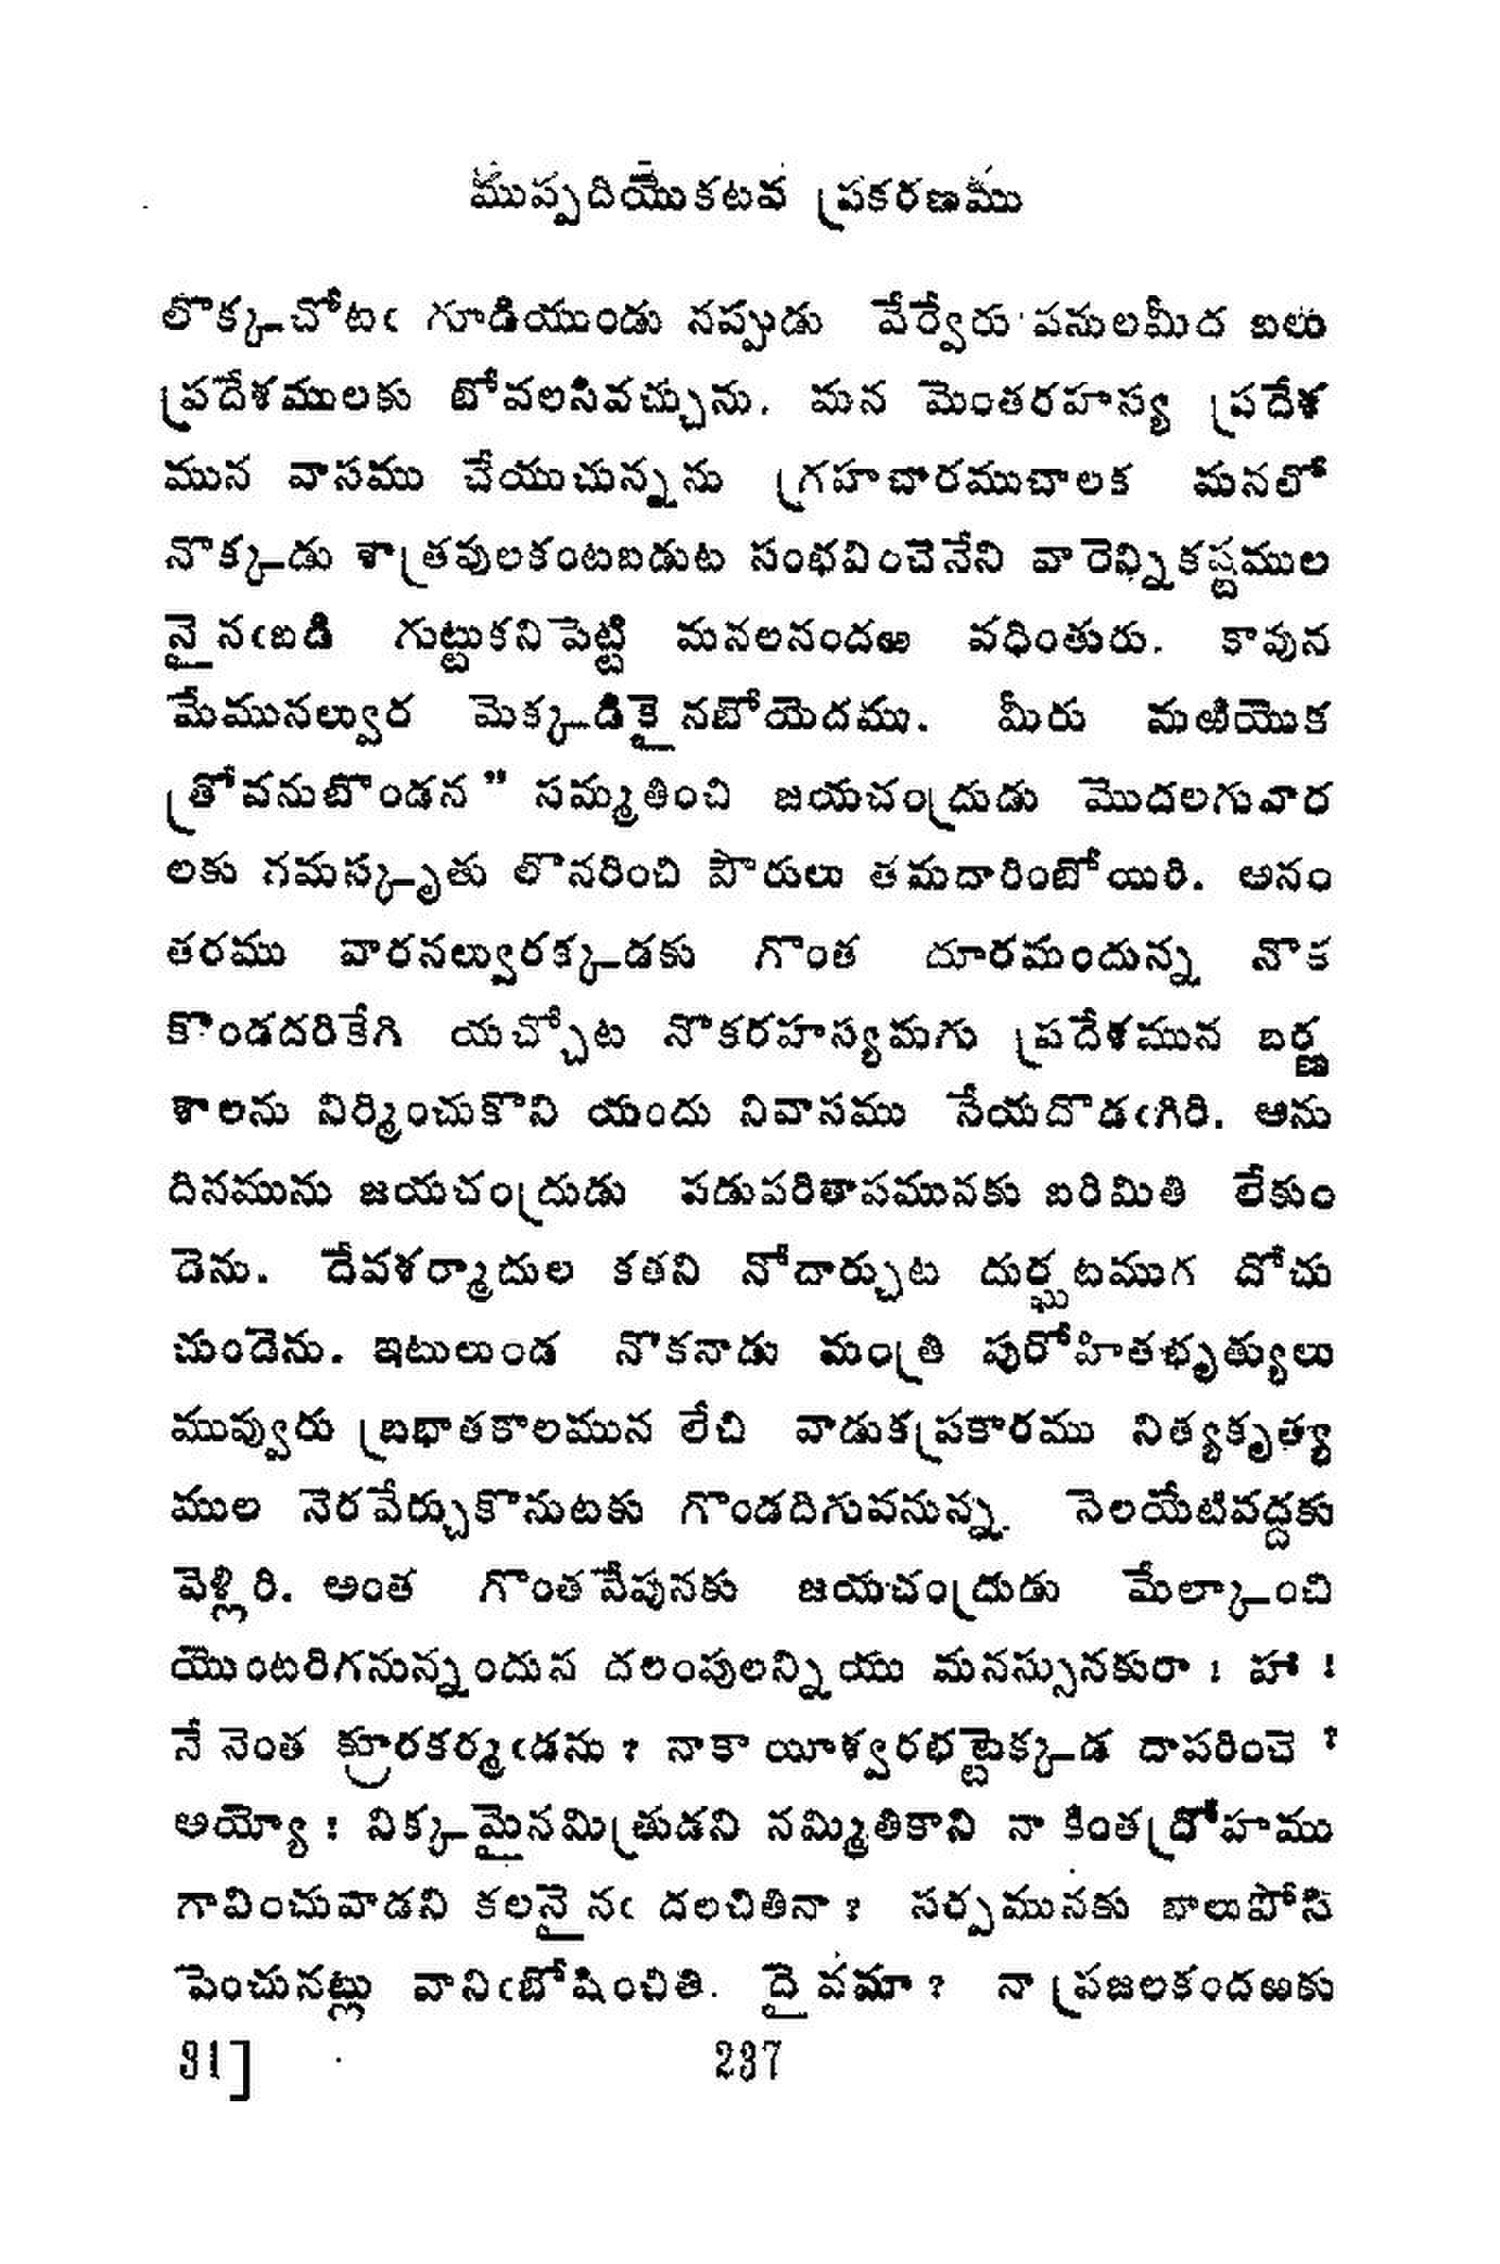లొక్కచోటఁ గూడియుండు నప్పుడు వేర్వేరు పనులమీద బలు ప్రదేశములకు బోవలసివచ్చును. మన మెంతరహస్య ప్రదేశమున వాసము చేయుచున్నను గ్రహచారముచాలక మనలో నొక్కడు శాత్రవులకంటబడుట సంభవించెనేని వారెన్నికష్టముల నైనఁబడి గుట్టుకనిపెట్టి మనలనందఱ వధింతురు. కావున మేమునల్వుర మెక్కడికైనబోయెదము. మీరు మఱియొక త్రోవనుబొండన " సమ్మతించి జయచంద్రుడు మొదలగువారలకు నమస్కృతు లొనరించి పౌరులు తమదారింబోయిరి. అనంతరము వారనల్వురక్కడకు గొంత దూరమందున్న నొకకొండదరికేగి యచ్చోట నొకరహస్యమగు ప్రదేశమున బర్ణశాలను నిర్మించుకొని యందు నివాసము సేయదొడఁగిరి. అనుదినమును జయచంద్రుడు పడుపరితాపమువకు బరిమితి లేకుండెను. దేవశర్మాదుల కతని నోదార్చుట దుర్ఘటముగ దోచుచుండెను. ఇటులుండ నొకనాడు మంత్రి పురోహితభృత్యులు మువ్వురు బ్రభాతకాలమున లేచి వాడుకప్రకారము నిత్యకృత్యముల నేరవేర్చుకొనుటకు గొండదిగువనున్న సెలయేటివద్దకు వెళ్లిరి. అంత గొంతసేపునకు జయచంద్రుడు మేల్కాంచి యొంటరిగనున్నందున దలంపులన్నియు మనస్సునకురా ! హా ! నే నెంత క్రూరకర్మఁడను ? నాకా యీశ్వరభట్టెక్కడ దాపరించె ? అయ్యో ! నిక్కమైనమిత్రుడని నమ్మితికాని నా కింతద్రోహము గావించువాడని కలనైనఁ దలచితినా ? సర్పమునకు బాలుపోసిపెంచునట్లు వానిఁబోషించితి. దైవమా ! నా ప్రజలకందఱకు